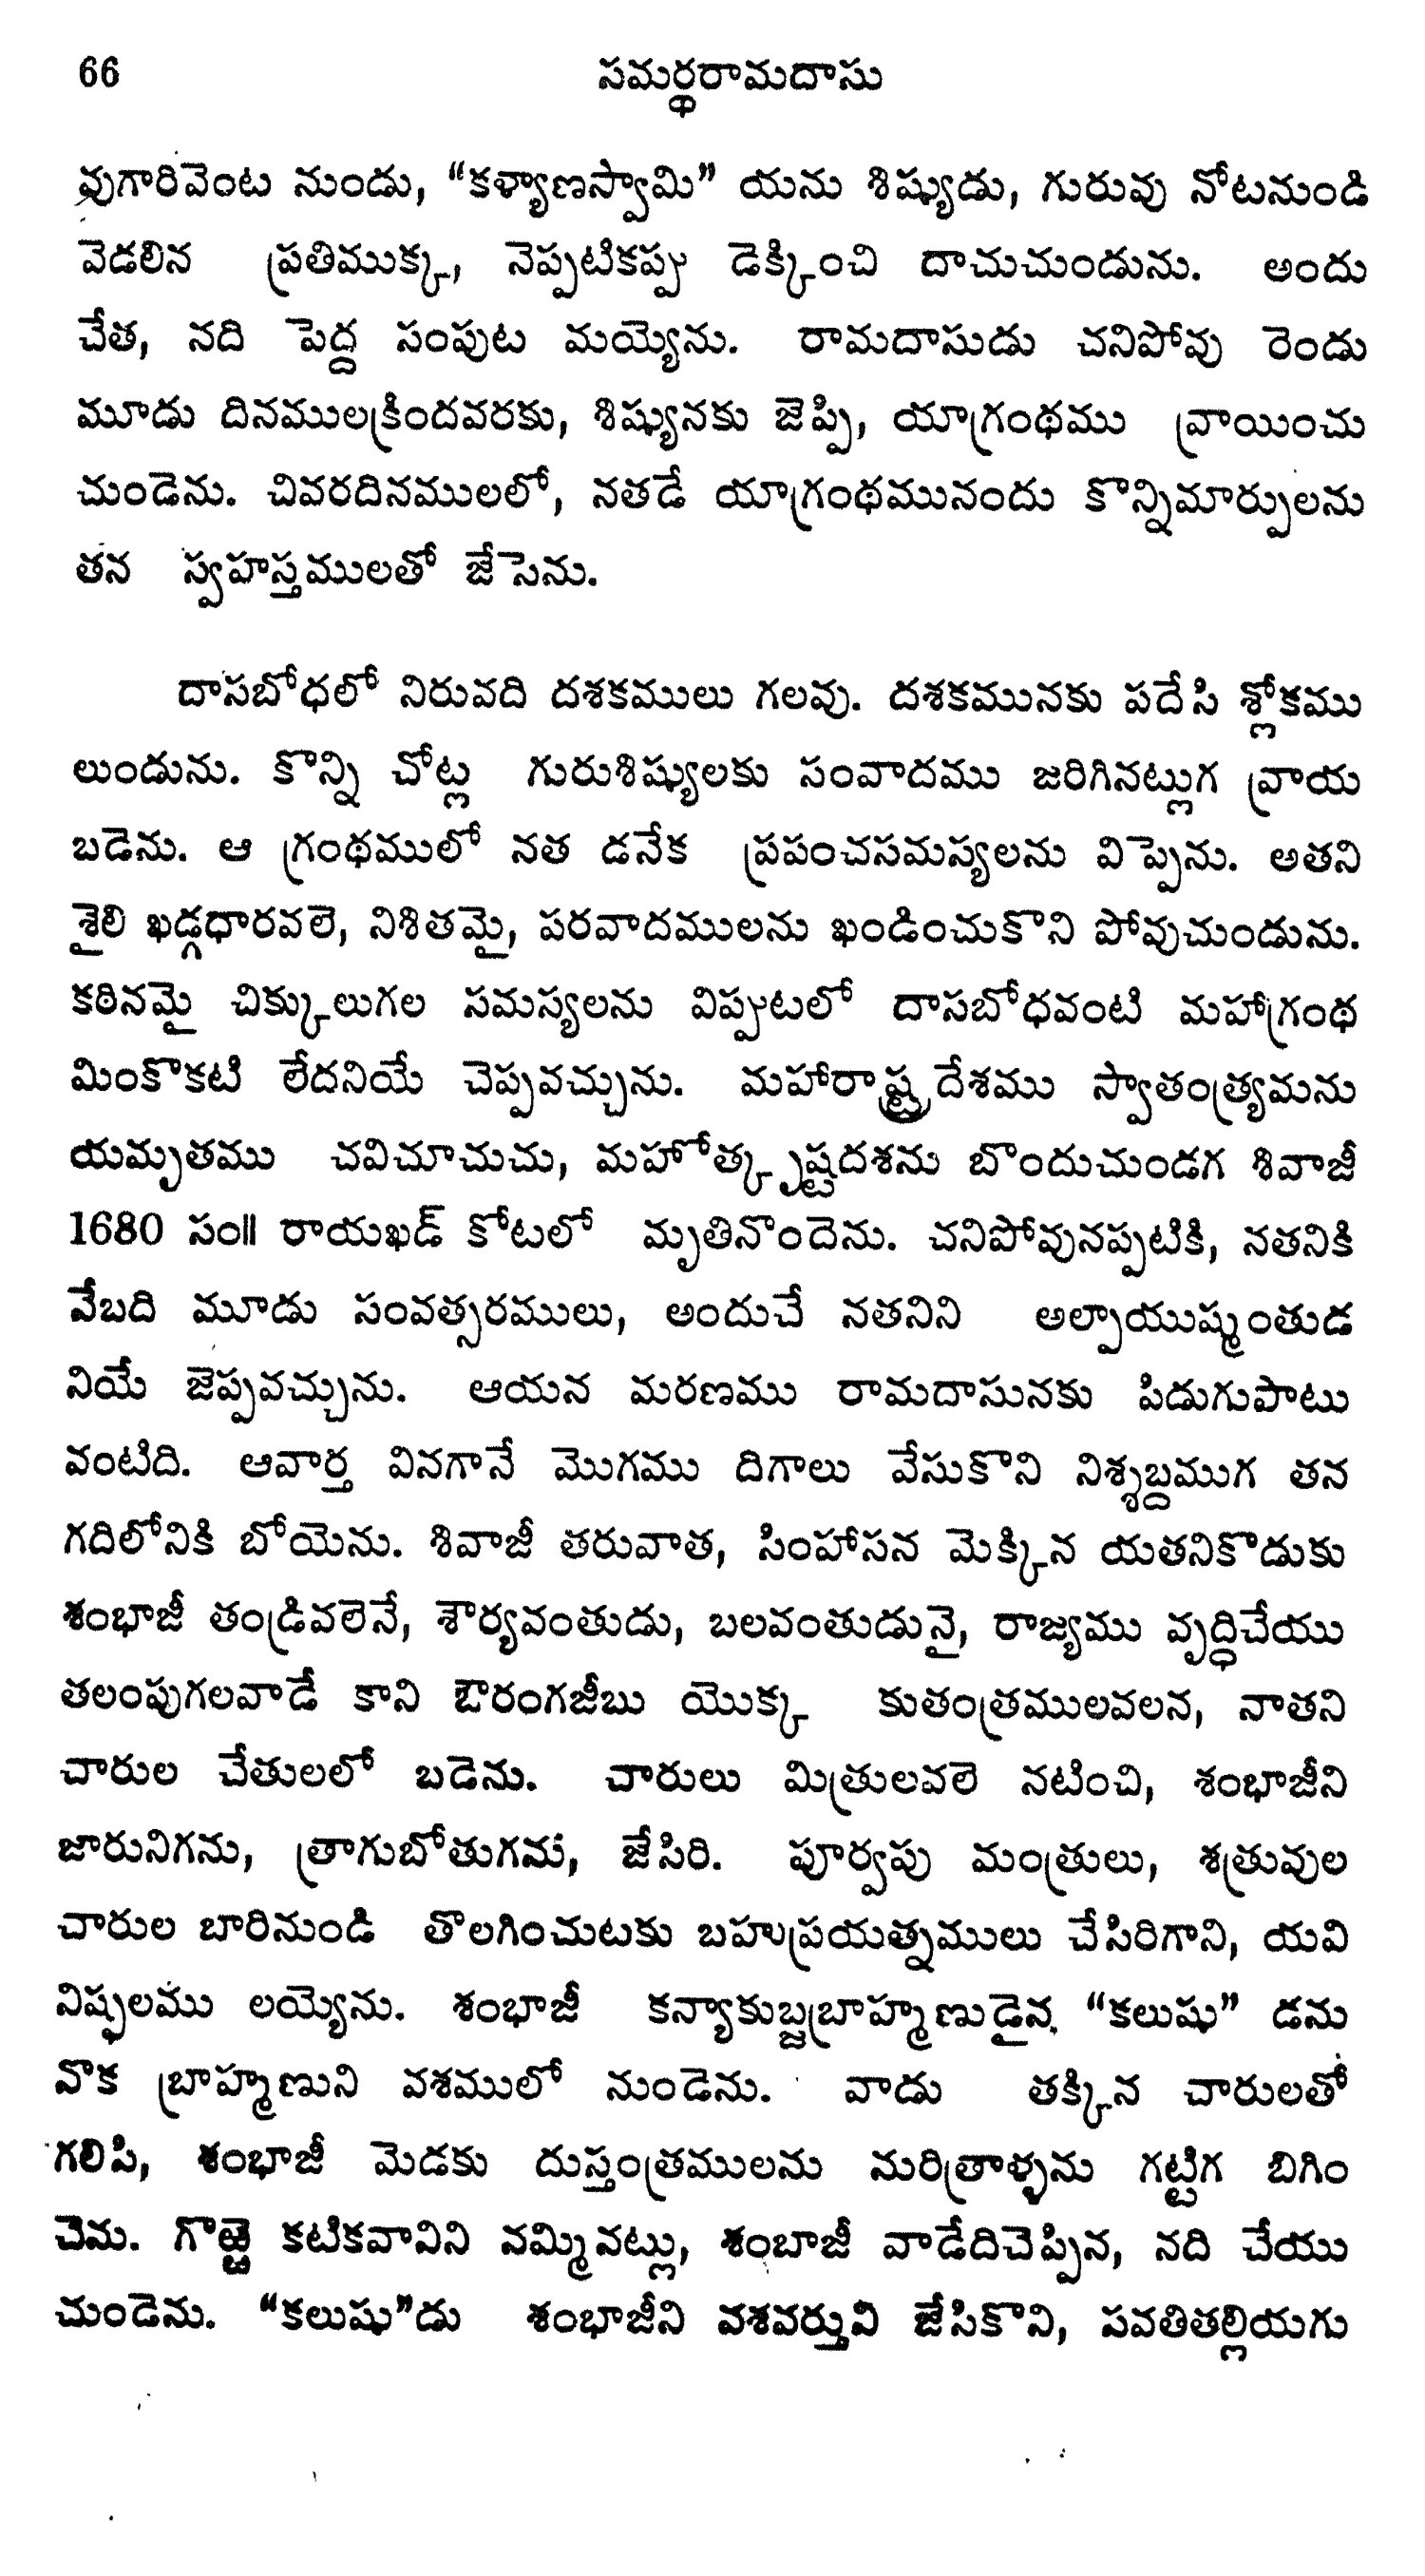వుగారివెంట నుండు, "కళ్యాణస్వామి" యను శిష్యుడు, గురువునోటనుండి వెడలిన ప్రతిముక్క, నెప్పటికప్పు డెక్కించి దాచుచుండును. అందుచేత, నది పెద్ద సంపుట మయ్యెను. రామదాసుడు చనిపోవు రెండు మూడు దినములక్రిందవరకు, శిష్యునకు జెప్పి, యాగ్రంథము వ్రాయించు చుండెను. చివరదినములలో, నతడే యాగ్రంథమునందు కొన్నిమార్పులను తన స్వహస్తములతో జేసెను.

దాసబోధలో నిరువది దశకములు గలవు. దశకమునకు పదేసి శ్లోకములుండును. కొన్ని చోట్ల గుర్ఫుశిష్యులకు సంవాదము జరిగినట్లుగ వ్రాయబడెను. ఆ గ్రంథములో నత డనేక ప్రపంచసమస్యలను విప్పెను. అతని శైలి ఖడ్గధారవలె, నిశితమై, పరవాదములను ఖండించుకొని పోవుచుండును. కఠినమై చిక్కులుగల సమస్యలను విప్పుటలో దాసబోధవంటి మహాగ్రంథ మింకొకటి లేదనియే చెప్పవచ్చును. మహారాష్ట్రదేశము స్వాతంత్ర్యమను యమృతము చవిచూచుచు, మహోత్కృష్టదశను బొందుచుండగ శివాజీ 1680 సం. రాయఖడ్ కోటలో మృతినొందెను. చనిపోవునప్పటికి, నతనికి వేబది మూడు సంవత్సరములు, అందుచే నతనిని అల్పాయుష్మంతుడనియే జెప్పవచ్చును. ఆయన మరణము రామదాసునకు పిడుగుపాటు వంటిది. ఆవార్త వినగానే మొగము దిగాలు వేసుకొని నిశ్శబ్దముగ తన గదిలోనికి బోయెను. శివాజీ తరువాత, సింహాసన మెక్కిన యతనికొడుకు శంభాజీ తండ్రివలెనే, శౌర్యవంతుడు, బలవంతుడునై, రాజ్యము వృద్ధిచేయు తలంపుగలవాడే కాని ఔరంగజీబు యొక్క కుతంత్రములవలన, నాతని చారుల చేతులలో బడెను. చారులు మిత్రులవలె నటించి, శంభాజీని జారునిగను, త్రాగుబోతుగను, జేసిరి. పూర్వపు మంత్రులు, శత్రువుల చారుల బారినుండి తొలగించుటకు బహుప్రయత్నములు చేసిరిగాని, యవి నిష్పలము లయ్యెను. శంభాజీ కన్యాకుబ్జబ్రాహ్మణుడైన "కలుషు" డను నొక బ్రాహ్మణుని వశములో నుండెను. వాడు తక్కిన చారులతో గలిసి, శంభాజీ మెడకు దుస్తంత్రములను నురిత్రాళ్ళను గట్టిగ బిగించెను. గొఱ్ఱె కటికవానిని నమ్మినట్లు, శంభాజీ వాడేదిచెప్పిన, నజ్ది చేయుచుండెను. "కలుషు"డు శంభాజీని వశవర్తుని జేసికొని, సవతితల్లియగు